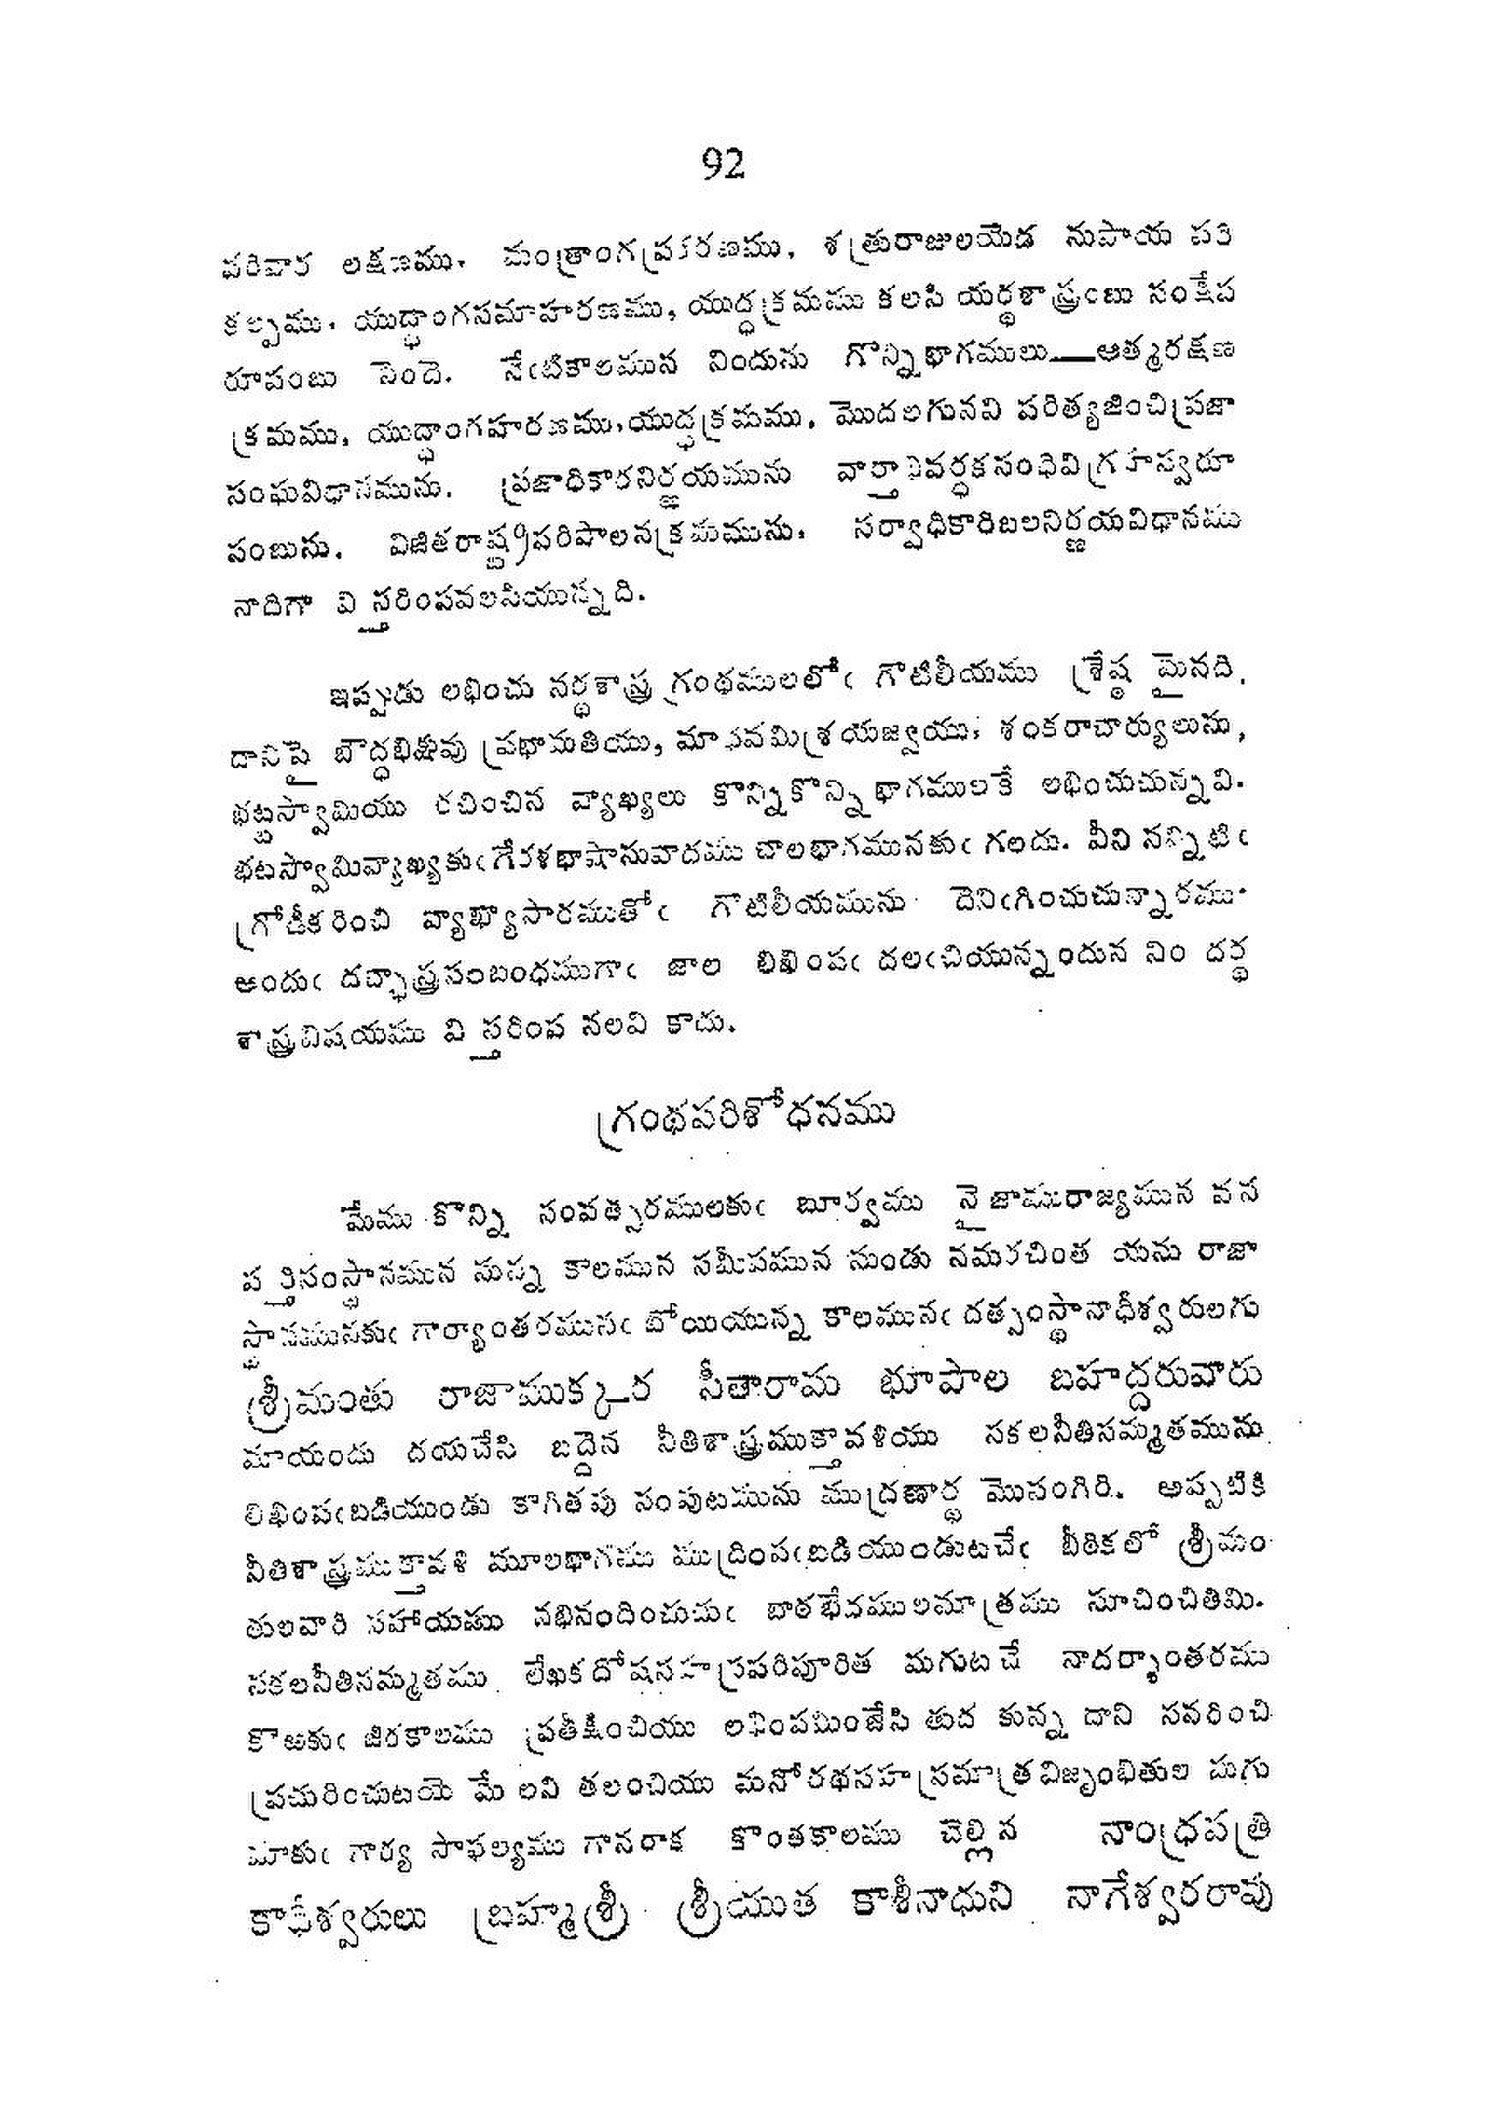పరివారలక్షణము. మంత్రాంగప్రకరణము, శత్రురాజులయెడ నుపాయపరికల్పము. యుద్ధాంగసమాహరణము, యుద్ధక్రమము కలసి యర్థశాస్త్రంబు సంక్షేపరూపంబు సెందె. నేఁటికాలమున నిందును గొన్నిభాగములు — ఆత్మరక్షణక్రమము, యుద్దాంగహరణము, యుద్ధక్రమము, మొదలగునవి పరిత్యజించి ప్రజాసంఘవిధానమును, ప్రజాధికారనిర్ణయమును, వార్తావర్ధకసంధివిగ్రహస్వరూపంబును, విజితరాష్ట్రపరిపాలనక్రమమును సర్వాధికారిబలనిర్ణయవిధానము నాదిగా విస్తరింపవలసియున్నది.

ఇప్పుడు లభించు నర్థశాస్త్రగ్రంథములలోఁ గౌటిలీయము శ్రేష్ఠ మైనది. దానిపై బౌద్ధభిక్షవు ప్రభావతియు, మానవమిశ్రయజ్వయు, శంకరాచార్యులును, భట్టస్వామియు రచించిన వ్యాఖ్యలు కొన్ని కొన్ని భాగములకే లభించుచున్నవి. భట్టస్వామివ్యాఖ్యకుఁ గేరళభాషానువాదము చాలభాగమునకుఁ గలదు. వీని నన్నిటిఁ గ్రోడీకరించి వ్యాఖ్యాసారముతోఁ గౌటిలీయమును దెనిఁగించుచున్నారము. అందుఁ దచ్ఛాస్త్ర సంబంధముగాఁ జాల లిఖింపఁదలఁచియున్నందున నిం దర్థశాస్త్రవిషయము విస్తరింప నలవి కాదు.
గ్రంథపరిశోధనము
మేము కొన్ని సంవత్సరములకుఁ బూర్వము నైజాము రాజ్యమున వనపర్తిసంస్థానమున నున్నకాలమున సమీపమున నుండు నమరచింత యను రాజాస్థానమునకుఁ గార్యాంతరమునఁ బోయియున్న కాలమునఁ దత్సంస్థానాధీశ్వరులగు
శ్రీమంతు రాజాముక్కర సీతారామ భూపాల బహద్దరువారు మాయందు దయచేసి బద్దెన నీతిశాస్త్రముక్తావళియు సకలనీతిసమ్మతమును లిఖింపఁబడియుండు కాగితపుసంపుటమును ముద్రణార్థ మొసంగిరి. అప్పటికి నీతిశాస్త్రముక్తావళి మూలభాగము ముద్రింపఁబడియుండుటచేఁ బీఠికలో శ్రీమంతులవారి సహాయము నభినందించుచుఁ బాఠభేదములమాత్రము సూచించితిమి. సకలనీతిసమ్మతము లేఖకదోషసహస్రపరిపూరిత మగుటచే నాదర్శాంతరముకొఱకుఁ జిరకాలము ప్రతీక్షించియు లభింపమింజేసి తుద కున్నదాని సవరించి ప్రచురించుటయె మే లని తలంచియు మనోరథసహస్రమాత్రవిజృంభితుల మగు మాకుఁ గార్యసాఫల్యము గానరాక కొంతకాలము చెల్లిన నాంధ్రపత్రికాధీశ్వరులు బ్రహ్మశ్రీ శ్రీయుత కాశీనాథుని నాగేశ్వరరావు